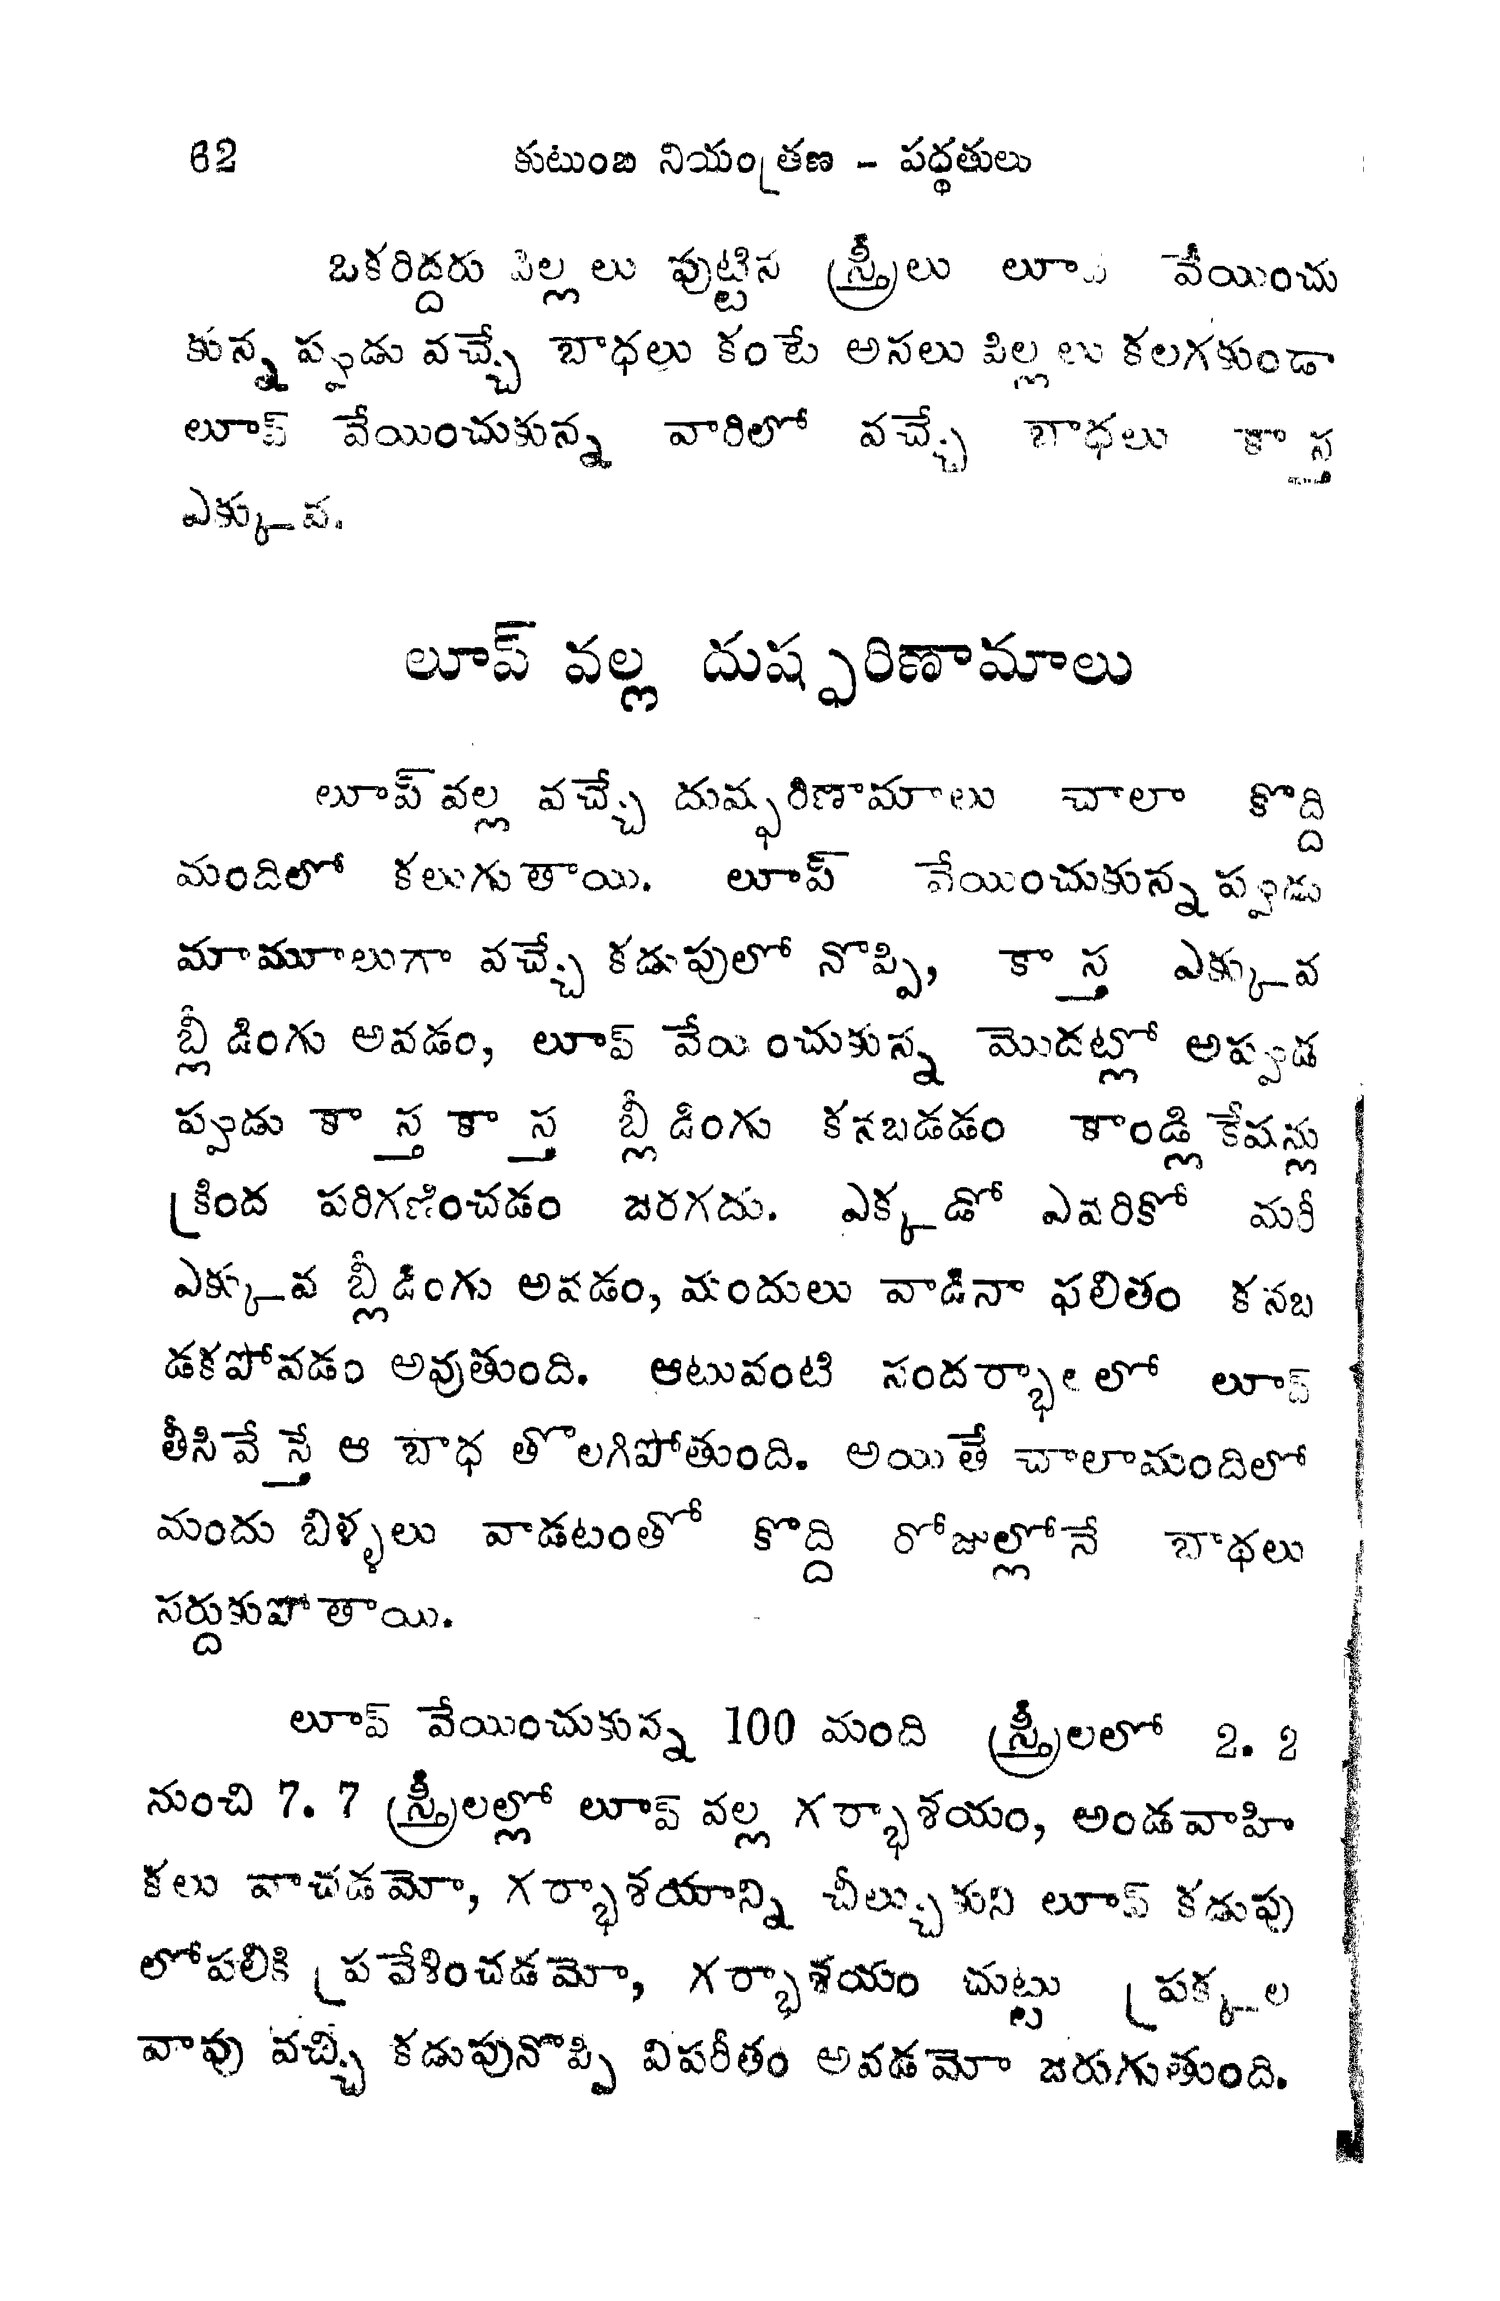ఒకరిద్దరు పిల్లలు పుట్టిన స్త్రీలు లూప్ వేయించుకున్నప్పుడు వచ్చే బాధలు కంటేఅసలు పిల్లలు కలగగుండా లూప్ వేయించుకున్న వారిలో వచ్చే బాధలు కాస్త ఎక్కువ.

లూప్ వల్ల వచ్చే దుష్పరిణామాలు చాలాకొద్ది మందిలో కలుగుతాయి. లూప్ వేయించుకున్నప్పుడు మామూలుగా వచ్చే కడుపులో నొప్పి, కాస్త ఎక్కువ బ్లీడింగు అవడం, లూప్ వేయించుకున్న మొదట్లో అప్పుడప్పుడు కాస్త కాస్త బ్లీడింగు కనబడడం కాంప్లి కేషన్లు క్రింద పరిగణించడం జరగదు. ఎక్కడో ఎవరికో మరీ ఎక్కువ బ్లీడింగు అవడం, మందులు వాడినా ఫలితం కనపడకపోవడం అవుతుంది. అటువంటి సందర్బాలలో లూప్ తీసివేస్తే ఆ బాధ తొలగిపోతుంది. అయితే చాలామందిలో మందు బిళ్లలు వాడటంతో కొద్ది రోజుల్లోనే బాధలు సర్దుకుపోతాయి.

లూప్ వేయించుకున్న 100 మంది స్త్ర్రీలలో 2.2 నుంచి 7.7 స్త్రీలల్లో లూప్ వల్ల గర్భాశయం, అండవాహికలు వాచడమో, గర్బాశయాన్ని చీల్చుకుని లూప్ కడుపులోపలికి ప్రవేశించడమో, గర్బాశయం చుట్టు ప్రక్కల వాపు వచ్చి కడుపునొప్పి విపరీతం అవడమో జరుగుతుంది.